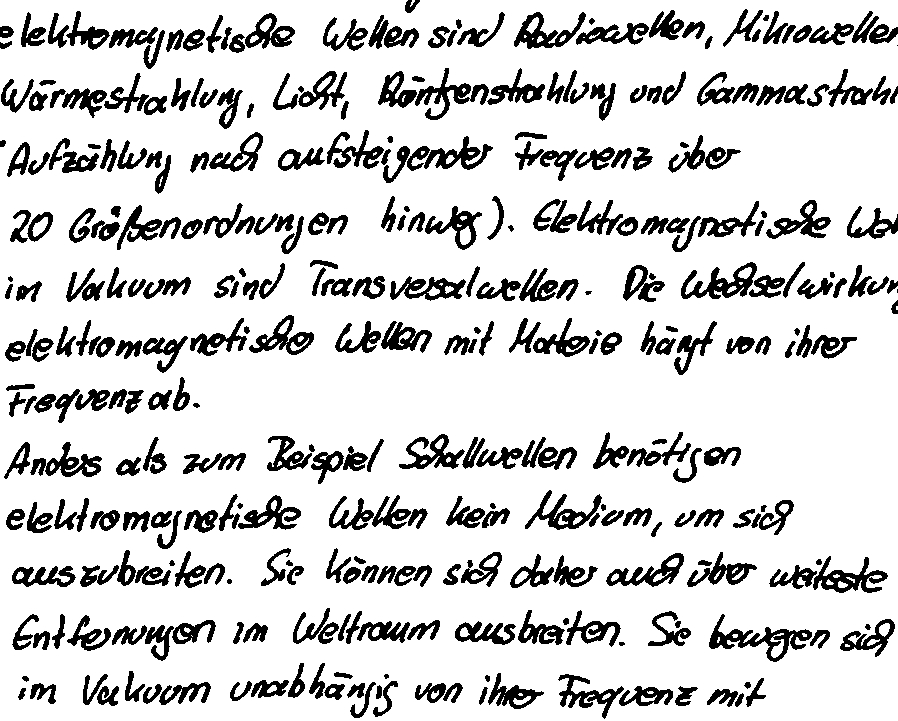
elektromagnetische Wellen sind Radiowellen, Mikrowellen,
Wärmestrahlung, Licht, Röntgenstrahlung und Gammastrahlung
(Aufzählung nach aufsteigender Frequenz über
20 Größenordnungen hinweg). Elektromagnetische
im Vakuum sind Transversalwellen. Die Wechselwirku
elektromagnetischer Wellen mit Materie hängt von ihrer
Frequenz ab.
Anders als zum Beispiel Schallwellen benötigen
elektromagnetische Wellen kein Medium, um sich
auszubreiten. Sie können sich daher auch über weiteste
Entfernungen im Weltraum ausbreiten. Sie bewegen sich
im Vakuum unabhängig von ihrer Frequenz mit
